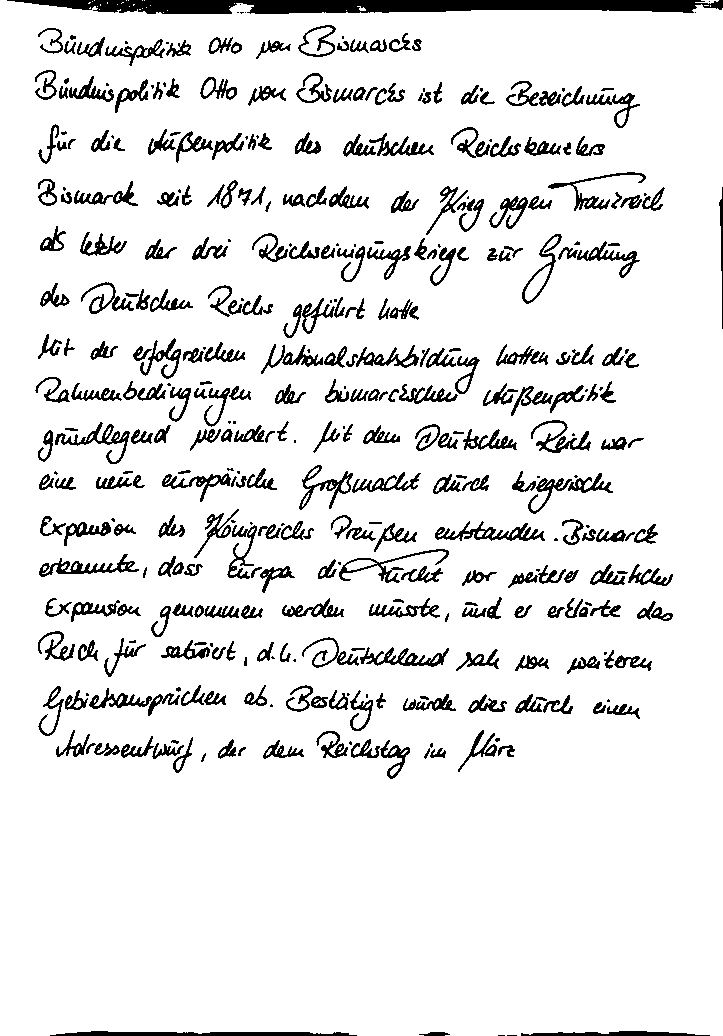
Bündnispolitik Otto von Bismarcks
Bündnispolitik Otto von Bismarcks ist die Bezeichnung
für die Außenpolitik des deutschen Reichskanzlers
Bismarck seit 1871, nachdem der Krieg gegen Frankreich
als letzter der drei Reichseinigungskriege zur Gründung
des Deutschen Reichs geführt hatte
Mit der erfolgreichen Nationalstaatsbildung hatten sich die
Rahmenbedingungen der bismarckschen Außenpolitik
grundlegend verändert. Mit dem Deutschen Reich war
eine neue europäische Großmacht durch kriegerische
Expansion des Königreichs Preußen entstanden. Bismarck
erkannte, dass Europa die Furcht vor weiterer deutscher
Expansion genommen werden musste, und er erklärte das
Reich für saturiert, d.h. Deutschland sah von weiteren
Gebietsansprüchen ab. Bestätigt wurde dies durch einen
Adressentwurf. der dem Reichstag im März
